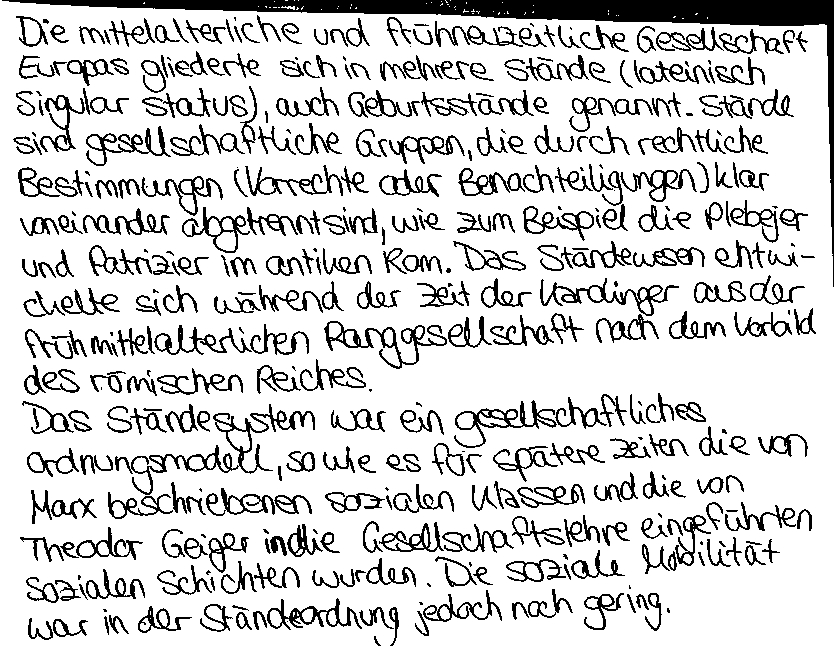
Die mittelalterliche und frühneuzeitliche Gesellschaft
Europas gliederte sich in mehrere Stände (lateinisch
Singular status), auch Geburtsstände genannt. Stände
sind gesellschaftliche Gruppen, die durch rechtliche
Bestimmungen (Vorrechte oder Benachteiligungen) klar
voneinander abgetrennt sind, wie zum Beispiel die Plebejer
und Patrizier im antiken Rom. Das Ständewesen entwi-
ckelte sich während der Zeit der Karolinger aus der
frühmittelalterlichen Ranggesellschaft nach dem Vorbild
des Römischen Reiches.
Das Ständesystem war ein gesellschaftliches
Ordnungsmodell, so wie es für spätere Zeiten die von
Marx beschriebenen sozialen Klassen und die von
Theodor Geiger in die Gesellschaftslehre eingeführten
sozialen Schichten wurden. Die soziale Mobilität
war in der Ständeordnung jedoch noch gering.
